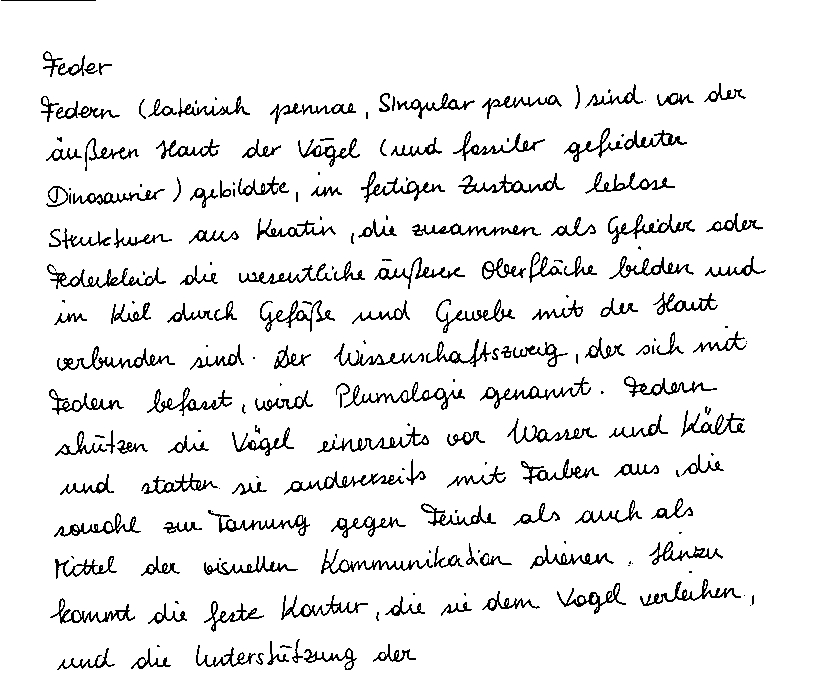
Feder
Federn (lateinisch pennae, Singular penna) sind von der
äußeren Haut der Vögel (und fossiler gefiederter
Dinosaurier) gebildete, im fertigen Zustand leblose
Strukturen aus Keratin, die zusammen als Gefieder oder
Federkleid die wesentliche äußere Oberfläche bilden und
im Kiel durch Gefäße und Gewebe mit der Haut
verbunden sind. Der Wissenschaftszweig, der sich mit
Federn befasst, wird Plumologie genannt.Federn
schützen die Vögel einerseits vor Wasser und Kälte
und statten sie andererseits mit Farben aus, die
sowohl zur Tarnung gegen Feinde als auch als
Mittel der visuellen Kommunikation dienen. Hinzu
kommt die feste Kontur, die sie dem Vogel verleihen,
und die Unterstützung der
